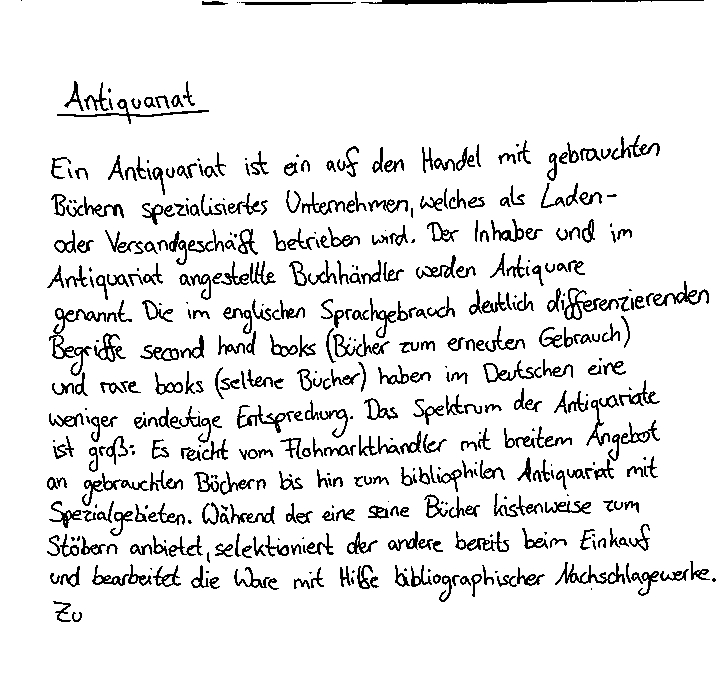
Antiquariat
Ein Antiquariat ist ein auf den Handel mit gebrauchten
Büchern spezialisiertes Unternehmen, welches als Laden-
oder Versandgeschäft betrieben wird. Der Inhaber und im
Antiquariat angestellte Buchhändler werden Antiquare
genannt. Die im englischen Sprachgebrauch deutlich differenzierenden
Begriffe second hand books (Bücher zum erneuten Gebrauch)
und rare books (seltene Bücher) haben im Deutschen eine
weniger eindeutige Entsprechung. Das Spektrum der Antiquariate
ist groß: Es reicht vom Flohmarkthändler mit breitem Angebot
an gebrauchten Büchern bis hin zum bibliophilen Antiquariat mit
Spezialgebieten. Während der eine seine Bücher kistenweise zum
Stöbern anbietet, selektioniert der andere bereits beim Einkauf
und bearbeitet die Ware mit Hilfe bibliographischer Nachschlagewerke.
